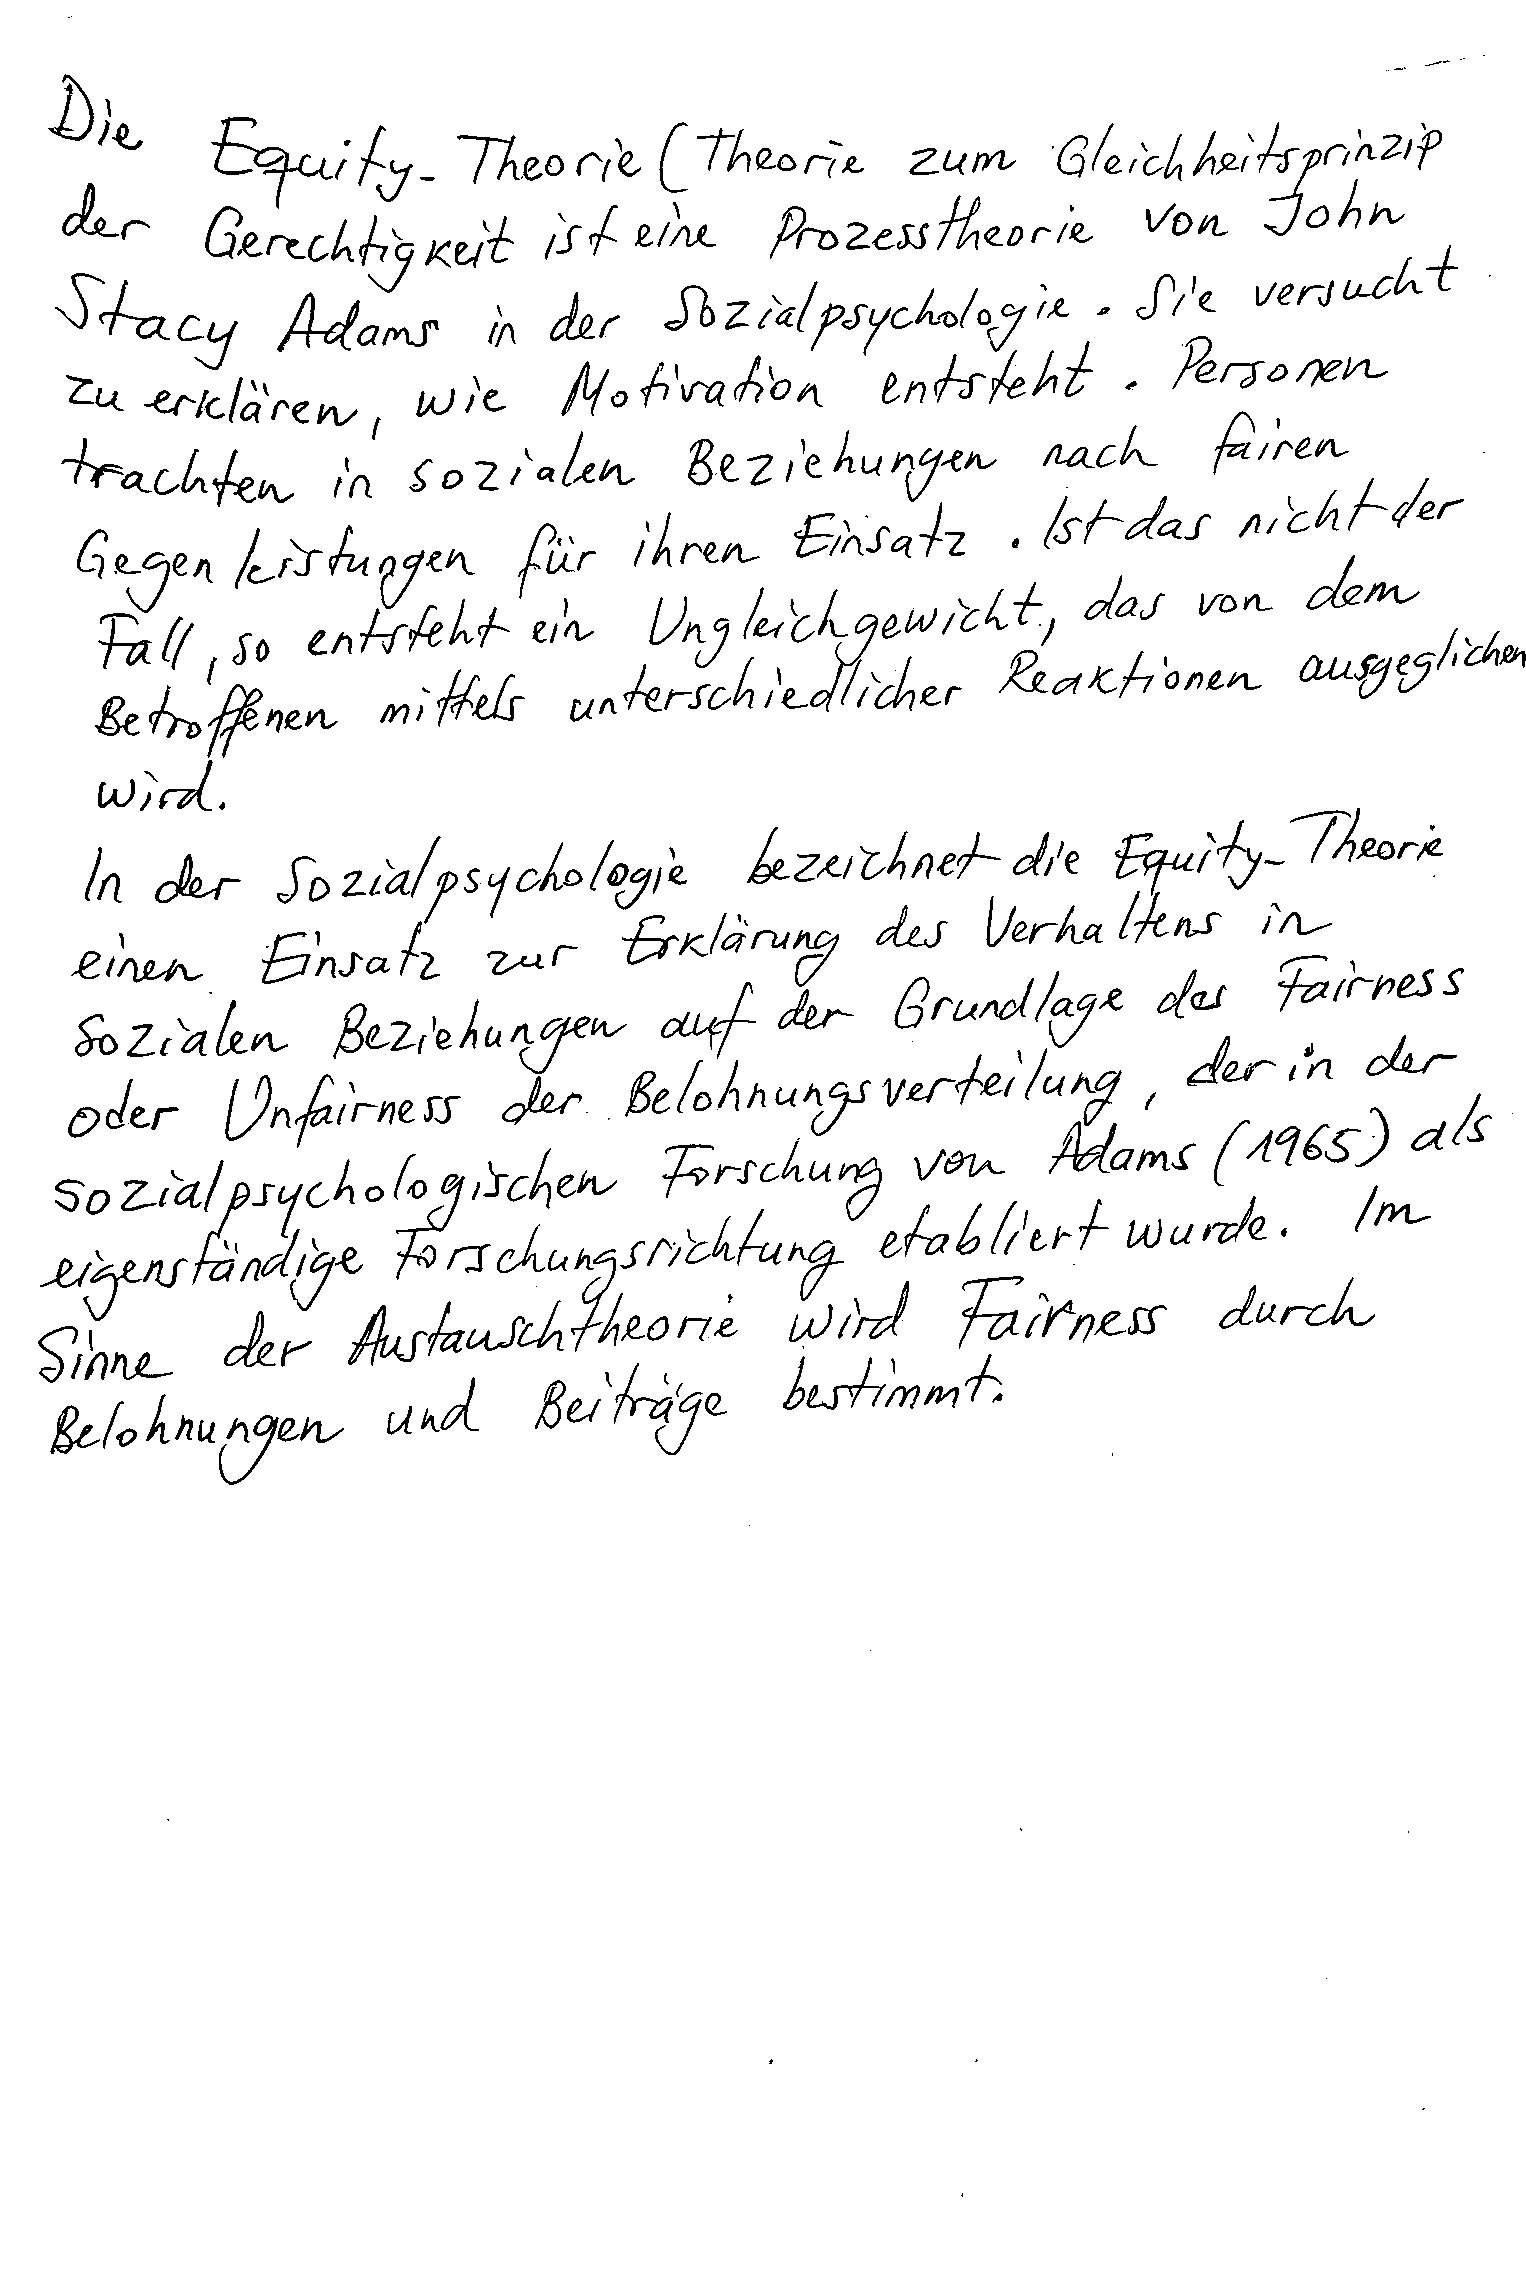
Die Equity-Theorie (Theorie zum Gleichheitsprinzip
der Gerechtigkeit ist eine Prozesstheorie Von John
Stacy Adams in der Sozialpsychologie. Sie versucht
zu erklären, Wie Motivation entsteht. Personen
trachten in sozialen Beziehungen nach fairen
Gegenleistungen für ihren Einsatz. Ist das nicht der
Fall, so entsteht ein Ungleichgewicht, das von dem
Betroffenen mittels unterschiedlicher Reaktionen ausgeglichen
wird.
In der Sozialpsychologie bezeichnet die Equity-Theorie
einen. Einsatz zur Erklärung des Verhaltens in
Sozialen Beziehungen auf der Grundlage der Fairness
oder Unfairness der Belohnungsverteilung, der in der
sozialpsychologischen Forschung von Adams (1965) als
eigenständige Forschungsrichtung etabliert wurde. Im
Sinne der Austauschtheorie wird Fairness durch
Belohnungen und Beiträge bestimmt.
